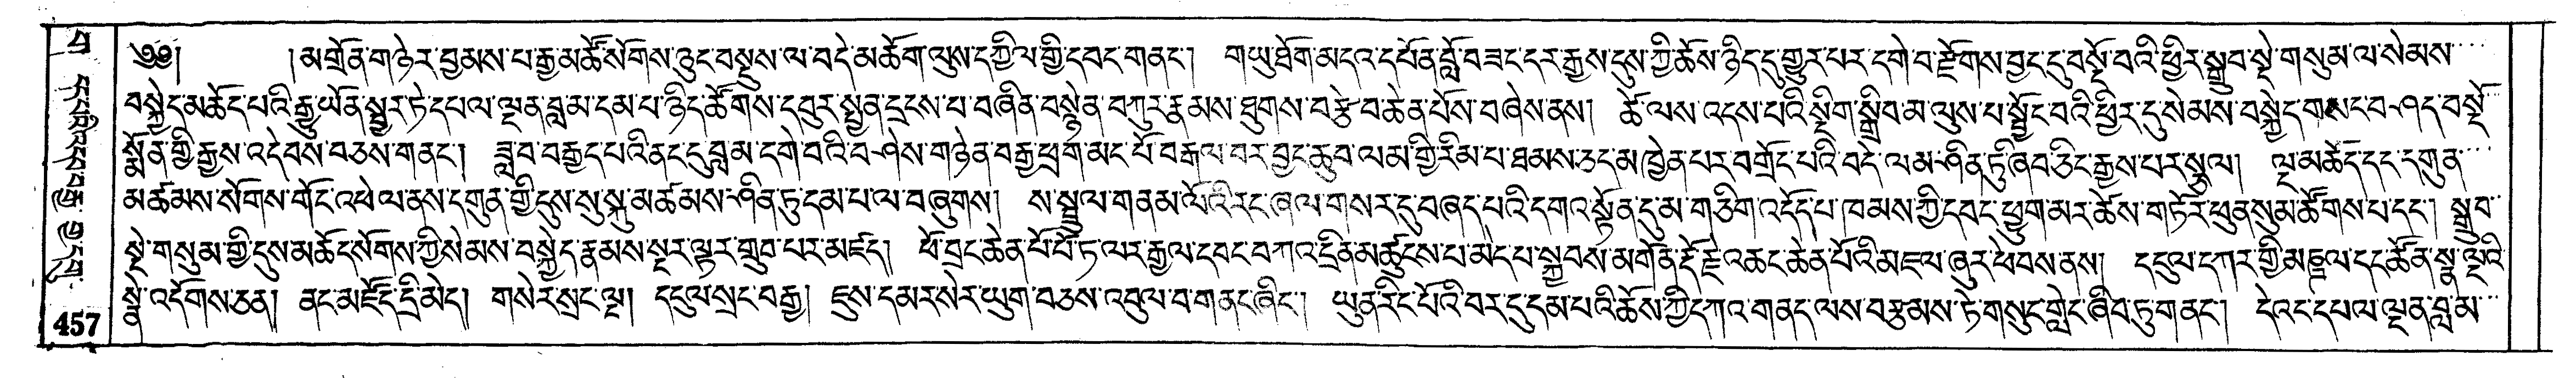༄༅། །མགྲོན་གཉེར་བྱམས་བརྒྱ་མཚོ་སོགས་ཉུང་བསྡུས་ལ་བདེ་མཆོག་ལུས་དཀྱིལ་གྱི་དབང་གནང་། གཡུ་ཐོག་མདའ་དཔོན་བློ་བཟང་དར་རྒྱས་དུས་ཀྱི་ཆོས་ཉིད་དུ་གྱུར་པར་དགེ་བ་རྫོགས་བྱང་དུ་བསྔོ་བའི་ཕྱིར་སྒྲུབ་སྡེ་གསུམ་ལ་སེམས་
བསྐྱེད་མཆོད་པའི་རྒྱུ་ཡོན་སྦྱར་ཏེ་དཔལ་ལྡན་བླ་མ་དམ་པ་ཉིད་ཚོགས་དབུར་སྤྱན་དྲངས་པ་བཞིན་བསྙེན་བཀུར་རྣམས་ཐུགས་བརྩེ་བ་ཆེན་པོས་བཞེས་ནས། ཚེ་ལས་འདས་པའི་སྡིག་སྒྲིབ་མ་ལུས་པ་སྤྱོད་བའི་ཕྱིར་དུ་སེམས་བསྐྱེད་གསུང་བཤད་བསྔོ་
སྨོན་གྱི་རྒྱས་འདེབས་བཅས་གནང་། ཟླ་བ་བརྒྱད་པའི་ནང་དུ་བླ་མ་དགེ་བའི་བཤེས་གཉེན་བརྒྱ་ཕྲག་མང་པོ་བརྒལ་བར་བྱང་ཆུབ་ལམ་གྱི་རིམ་པ་ཐམས་ཅད་མཁྱེན་པར་བགྲོད་པའི་བདེ་ལམ་ཤིན་ཏུ་ཞིབ་ཅིང་རྒྱས་པར་སྩལ། ལྔ་མཆོད་དང་དགུན་
མཚམས་སོགས་གོང་འཕེལ་ནས་དགུན་གྱི་དུས་སུ་སྐུ་མཚམས་ཤིན་ཏུ་དམ་པ་ལ་བཞུགས། ས་སྦྲུལ་གནམ་ལོའི་རང་ཞལ་གསར་དུ་བཞད་པའི་དགའ་སྟོན་དུ་མ་གཅིག་འདོད་པ་ཁམས་ཀྱི་དབང་ཕྱུག་མར་ཆོས་གཏོར་ཕུན་སུམ་ཚོགས་པ་དང་། སྒྲུབ་
སྡེ་གསུམ་གྱི་དུས་མཆོད་སོགས་ཀྱི་སེམས་བསྐྱེད་རྣམས་སྔར་ལྷར་གྲུབ་པར་མཛད། ཕོ་བྲང་ཆེན་པོ་པོ་ཏ་ལར་རྒྱལ་དབང་བཀའ་དྲིན་མཚུངས་པ་མེད་པ་སྐྱབས་མགོན་རྡོ་རྗེ་འཆང་ཆེན་པོའི་མཇལ་ཞུར་ཕེབས་ནས། དངུལ་དཀར་གྱི་མཎྜལ་དར་ཚོན་སྣ་ལྔའི་
སྣེ་འདོགས་ཅན། ནང་མཛོད་དྲི་མེད། གསེར་སྲང་ལྔ། དངུལ་སྲང་བརྒྱ། ཇུས་དམར་སེར་ཡུག་བཅས་འབུལ་བ་གནང་ཞིང་། ཡུན་རིང་པོའི་བར་དུ་དམ་པའི་ཆོས་ཀྱི་དཀའ་གནད་ལས་བརྩམས་ཏེ་གསུང་གླེང་ཞིབ་ཏུ་གནང་། དེའང་དཔལ་ལྡན་བླ་མ་